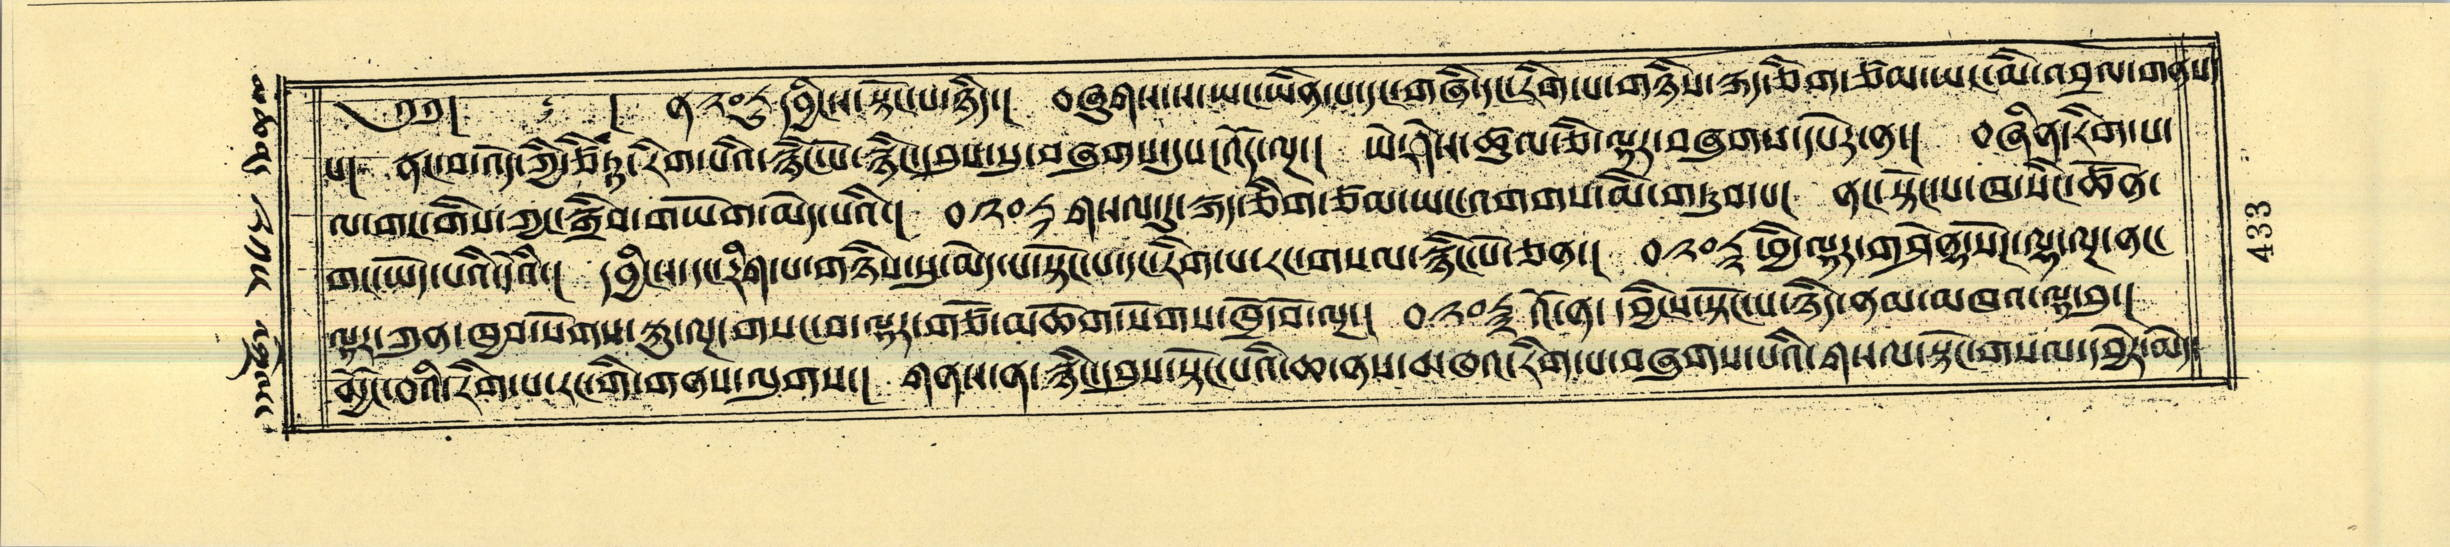༢༠༨།༦༼དབྱིངས༽སྟོང་པ་ཉིད་༼བཞུགས་ས༽ཡང་ཡིན་པ་དང་གཞི་དང་རིག་པ་གཉིས་སྐད་ཅིག་ཙམ་ཡང་མི་འབྲལ་གནས་
པ་སྣང་བ་འོད་ཀྱི་ཙིརྟ་རིག་པའི་སྙིང་པོ་སྙིང་དབུས་སུ་བཞུགས་དུས་༼འོད་ལྔ༽༼ཡེ་ཤེས༽ཚུལ་ཅི་ལྟར་བཞུགས་པ་དཔེར་ན་༼བཞིན༽རིག་པ་
ལ་གང་གིས་ཀྱང་སྒྲིབ་གཡོགས་མེད་པའི་བ༢༠༨།༡ ༼གསལ་དུ༽སྐད་ཅིག་ཙམ་ཡང་འགག་མི་བཏུབ་པ་ནང་སྟོང་པ་ཁོང་སེང་ཚོན་
གང་ཡོད་པའི་དེའི་༼དབྱིངས༽དང་༼རིག༽པ་གཉིས་སུ་མེད་པའི་སྟོང་པ་དང་རིག་པ་རང་གསལ་སྙིང་པོ་ཅན་བ༢༠༨།༢ ཕྱི་ལྟར་གཤེན་ལྷ་སོགས་༼ལྷ་ལྔ༽ནང་
ལྟར་ཀུན་ཁྱབ་སོགས་༼སྐུ་ལྔ༽གསང་བ་ལྟར་གཙོ་མཆོག་སོགས་ཁྲོ་བོ་ལྔ་བ༢༠༨།༣༼འོ་ན༽དབྱིངས་སྟོང་པ་ཉིད་ནམ་མཁའ་ལྟ་བུ་
༼མྱོང་བའི༽རིག་པ་རང་གི་གནས་ལུགས་༼གནས་ན༽སྙིང་དབུས་སྟོང་པའི་ཆ་ནས་༼མཁའ༽རིག་པ་བཞུགས་པའི་༼གསལ༽སྟོང་གསལ་དབྱེར་མེད་